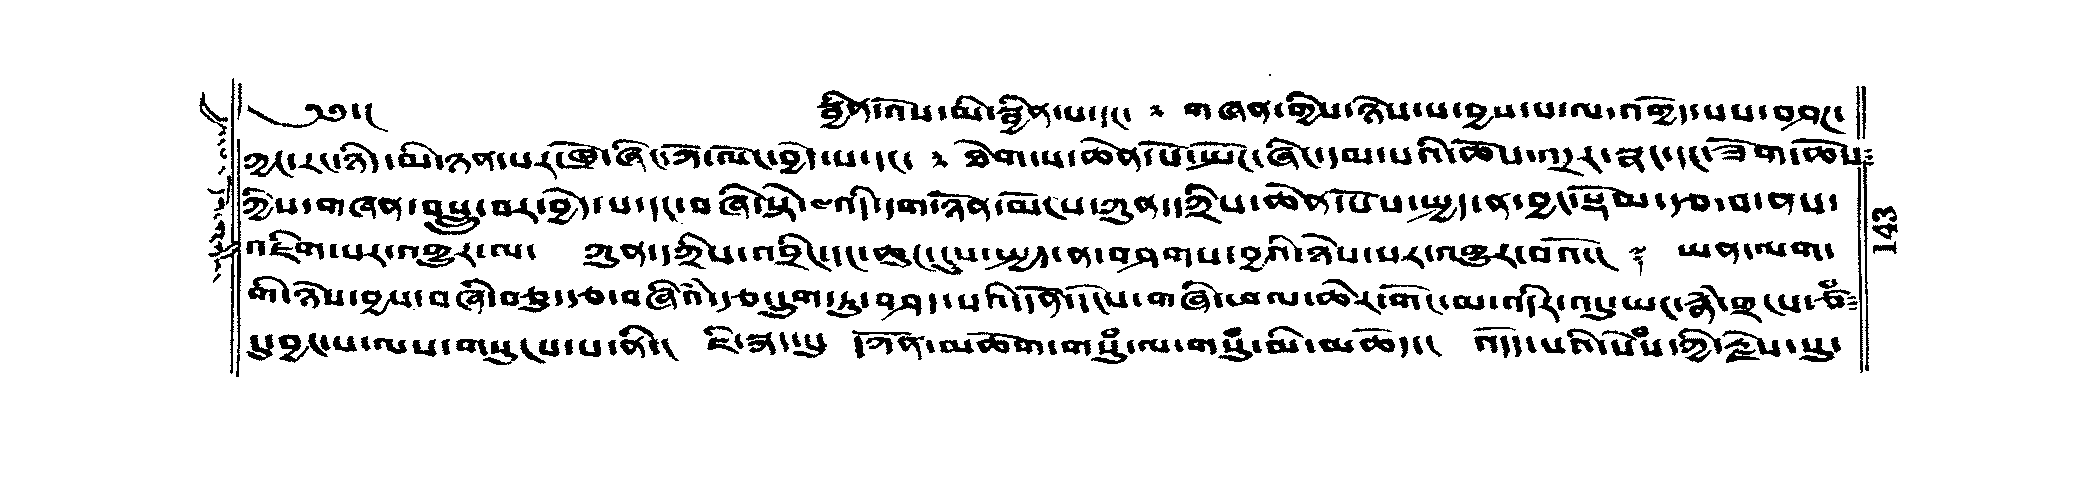སྦྱིན་འོས་མི་སྦྱིན་པ་དང་། གཞན་གྱིས་ཉེས་པ་བྱས་པ་ལ་འགྱོད་པས་བཤགས་
ཀྱང་རང་ཉིད་མི་ཉན་པར་ཁྲོ་ཞིང་ཀོ་ལོང་བྱེད་པ་དང་། ཐེག་པ་ཆེན་པོ་སྤོང་ཞིང་དམ་པའི་ཆོས་འདྲར་སྣང་དང་ཟོག་ཆོས་
ཀྱིས་གཞན་བསླུ་བར་བྱེད་པ་དང་བཞི་སྟེ། འདི་དག་ཉོན་མོངས་ཀུན་དཀྲིས་ཆེན་པོས་སྤྱད་ན་བྱང་སྡོམ་རྩ་བ་ནས་
འཇིག་པར་འགྱུར་ལ། ཀུན་དཀྲིས་འབྲིང་དང་ཆུང་ངུས་སྤྱད་ན་བཤགས་བྱའི་ཉེས་པར་འགྱུར་བའོ། ༈ ཡན་ལག་
གི་ཉོས་བྱས་བཞི་བཅུ་རྩ་བཞིའམ་རྩ་དྲུག་ཏུ་བཤད་པའི་དོན་དངོས་གཞི་ཕལ་ཆེར་གོང་མ་འདིར་འདུ་ཡང་རྣམ་གྲངས་ཙམ་
དུ་བྱང་པ་ལས་གསུངས་པ་ནི། ཇི་སྐད་དུ། དཀོན་མཆོག་གསུམ་ལ་གསུམ་མི་མཆོད། འདོད་པའི་སེམས་ཀྱི་རྗེས་སུ་